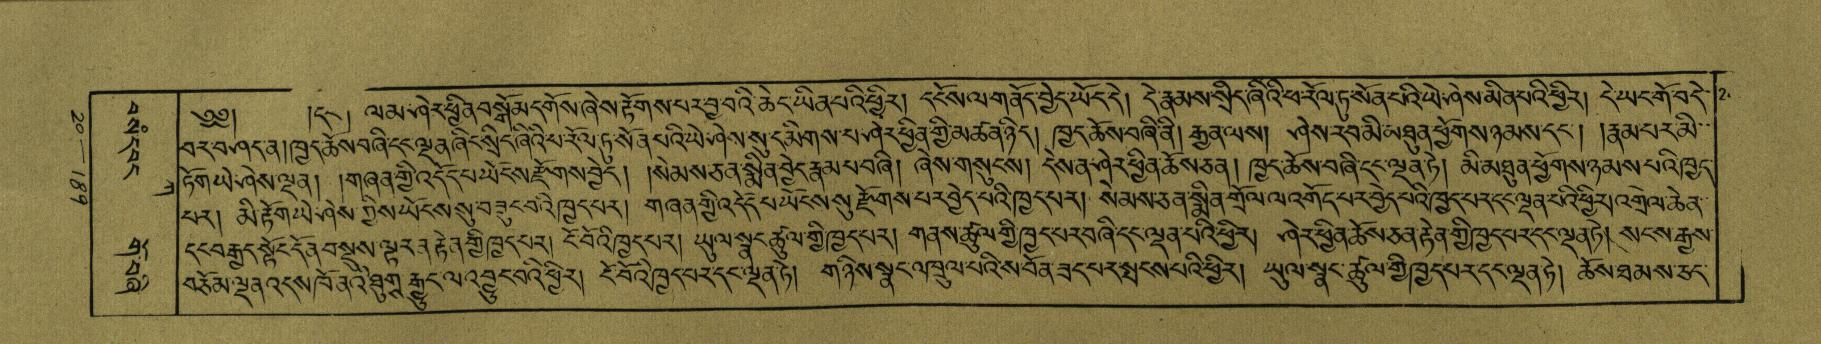༄༅། །དང་། ལམ་ཤེར་ཕྱིན་བསྒོམ་དགོས་ཞེས་རྟོགས་པར་བྱ་བའི་ཆེད་ཡིན་པའི་ཕྱིར། དངོས་ལ་གནོད་བྱེད་ཡོད་དེ། དེ་རྣམས་སྲིད་ཞིའི་ཕ་རོལ་ཏུ་སོན་པའི་ཡེ་ཤེས་མིན་པའི་ཕྱིར། དེ་ཡང་གོ་བདེ་
བར་བཤད་ན། ཁྱད་ཆོས་བཞི་དང་ལྡན་ཞིང་སྲིད་ཞིའི་ཕ་རོལ་ཏུ་སོན་པའི་ཡེ་ཤེས་སུ་དམིགས་པ་ཤེར་ཕྱིན་གྱི་མཚན་ཉིད། ཁྱད་ཆོས་བཞི་ནི། རྒྱན་ལས། ཤེས་རབ་མི་མཐུན་ཕྱོགས་ཉམས་དང་། །རྣམ་པར་མི་
ཏོག་ཡེ་ཤེས་ལྡན། །གཞན་གྱི་འདོད་པ་ཡོངས་རྫོགས་བྱེད། །སེམས་ཅན་སྨིན་བྱེད་རྣམ་པ་བཞི། ཞེས་གསུངས། དེས་ན་ཤེར་ཕྱིན་ཆོས་ཅན། ཁྱད་ཆོས་བཞི་དང་ལྡན་ཏེ། མི་མཐུན་ཕྱོགས་ཉམས་པའི་ཁྱད་
པར། མི་རྟོག་ཡེ་ཤེས་ཀྱིས་ཡོངས་སུ་བཟུང་བའི་ཁྱད་པར། གཞན་གྱི་འདོད་པ་ཡོངས་སུ་རྫོགས་པར་བྱེད་པའི་ཁྱད་པར། སེམས་ཅན་སྨིན་གྲོལ་ལ་འགོད་པར་བྱེད་པའི་ཁྱད་པར་དང་ལྡན་པའི་ཕྱིར། འགྲེལ་ཆེན་
དང་བརྒྱད་སྟོང་དོན་བསྡུས་ལྟར་ན་རྟེན་གྱི་ཁྱད་བར། ངོ་བོའི་ཁྱད་པར། ཡུལ་སྣང་ཚུལ་གྱི་ཁྱད་པར། གནས་ཚུལ་གྱི་ཁྱད་པར་བཞི་དང་ལྡན་པའི་ཕྱིར། ཤེར་ཕྱིན་ཆོས་ཅན་རྟེན་གྱི་ཁྱད་པར་དང་ལྡན་ཏེ། སངས་རྒྱས་
བཅོམ་ལྡན་འདས་ཁོ་ནའི་ཐུགས་རྒྱུད་ལ་འབྱུང་བའི་ཕྱིར། ངོ་བོའི་ཁྱད་པར་དང་ལྡན་ཏེ། གཉིས་སྣང་འཁྲུལ་པའི་ས་བོན་ཟད་པར་སྤངས་པའི་ཕྱིར། ཡུལ་སྣང་ཚུལ་གྱི་ཁྱད་པར་དང་ལྡན་ཏེ། ཆོས་ཐམས་ཅད་